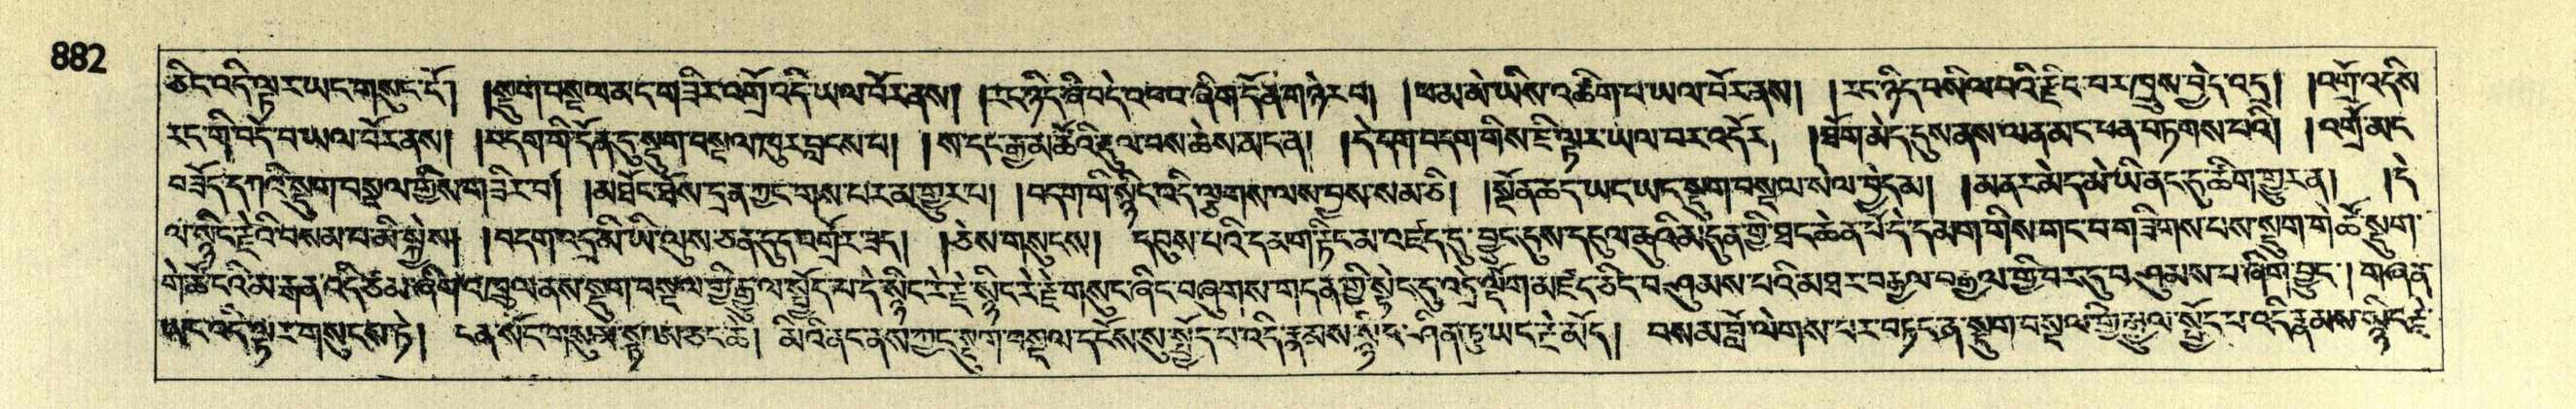ཅིང་འདི་ལྟར་ཡང་གསུང་ངོ། །སྡུག་བསྔལ་མང་གཟིར་འགྲོ་འདི་ཡལ་བོར་ནས། །རང་ཉིད་ཞི་བདེ་འབའ་ཞིག་དོན་གཉེར་བ། །ཕ་མ་མེ་ཡིས་འཚིག་པ་ཡལ་བོར་ནས། །རང་ཉིད་བསིལ་བའི་རྫིང་བར་ཁྲུས་བྱེད་འདྲ། །འགྲོ་འདིས་
རང་གི་བདེ་བ་ཡལ་བོར་ནས། །བདག་གི་དོན་དུ་སྡུག་བསྔལ་ཁུར་བླངས་པ། །ས་དང་རྒྱ་མཚོའི་རྡུལ་བས་ཆེས་མང་ན། །དེ་དག་བདག་གིས་ཇི་ལྟར་ཡལ་བར་འདོར། །ཐོག་མེད་དུས་ནས་ལན་མང་ཕན་བཏགས་པའི། །འགྲོ་མང་
བཟོད་དཀའི་སྡུག་བསྔལ་གྱིས་གཟིར་བ། །མཐོང་ཐོས་དྲན་ཀྱང་གས་པར་མ་གྱུར་པ། །བདག་གི་སྙིང་འདི་ལྕགས་ལས་བྱས་སམ་ཅི། །སྔོན་ཆད་ཡང་ཡང་སྡུག་བསྔལ་སེལ་བྱེད་མ། །མནར་མེད་མེ་ཡི་ནང་དུ་ཚིག་གྱུར་ན། །དེ་
ལ་སྙིང་རྗེའི་བསམ་པ་མི་སྐྱེས། །བདག་འདྲ་མི་ཡི་ལུས་ཅན་དུད་འགྲོར་ཟད། །ཅེས་གསུངས། དབུས་པའི་དམག་རྟིང་མ་འཛད་དུ་བྱུང་དུས་དངུལ་ཆུའི་མདུན་གྱི་ཐང་ཆེན་པོ་དེ་དམག་གིས་གང་བ་གཟིགས་པས་སྡུག་གེ་ཚོ་སྡུག་
གེ་ཚོ་ངའི་མ་རྒན་འདི་ཙམ་ཞིག་འཁྲུལ་ནས་སྡུག་བསྔལ་གྱི་རྒྱུ་ལ་སྤྱོད་པ་དེ་སྙིང་རེ་རྗེ་སྙིང་རེ་རྗེ་གསུང་ཞིང་བཞུགས་གདན་གྱི་སྟེང་དུ་འདྲེ་ལྡོག་མཛད་ཅིང་བཤུམས་པའི་མཐར་བརྒྱལ་བརྒྱལ་གྱི་བར་དུ་བཤུམས་པ་ཞིག་བྱུང་། གཞན་
ཡང་འདི་ལྟར་གསུངས་ཏེ། ངན་སོང་གསུམ་སྟ་ཨ་ཅང་ཆེ། མིའི་ནང་ནས་ཀྱང་སྡུག་བསྔལ་དངོས་སུ་སྤྱོད་པ་འདི་རྣམས་སྙིང་ཤིན་ཏུ་ཡང་རྗེ་མོད། བསམ་བློ་ལེགས་པར་བཏང་ན་སྡུག་བསྔལ་གྱི་རྒྱུ་ལ་སྤྱོད་པ་འདི་རྣམས་སྙིང་རྗེ་